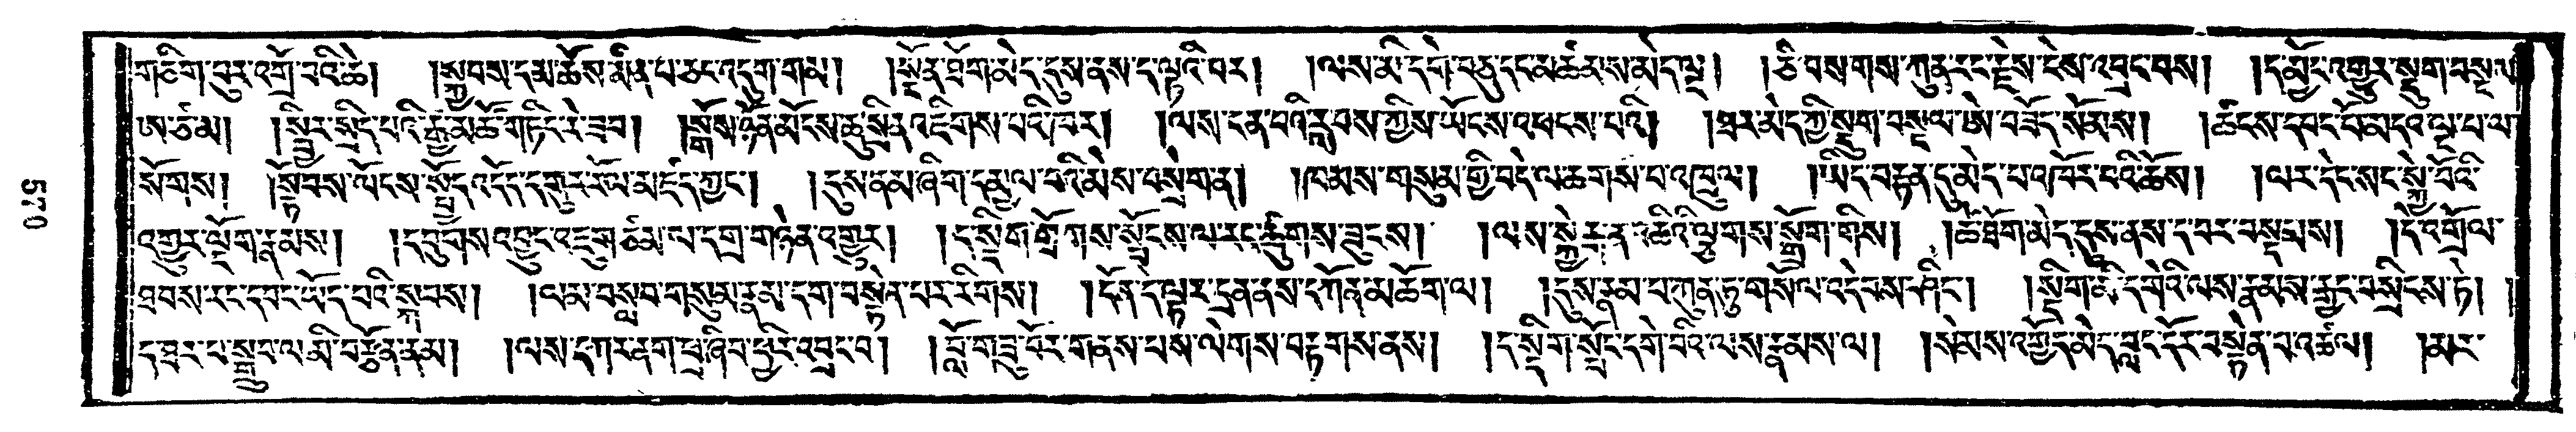གཅིག་པུར་འགྲོ་བའི་ཆེ། །སྐྱབས་དམ་ཆོས་མིན་པ་ཅང་འདུག་གམ། །སྔོན་ཐོག་མེད་དུས་ནས་ད་ལྟའི་བར། །ལས་མི་དགེ་བཅུ་དང་མཚམས་མེད་ལྔ། །ཅི་བསགས་ཀུན་རང་རྗེས་ངེས་འབྲང་བས། །ད་མྱོང་འགྱུར་སྡུག་བསྔལ་
ཨ་ཙ་མ། །སྤྱིར་སྲིད་པའི་རྒྱ་མཚོ་གཏིང་རེ་ཟབ། །སྒོས་ཉོན་མོངས་ཆུ་སྲིན་འཇིགས་པའི་ཁར། །ལས་ངན་པའི་རླབས་ཀྱིས་ཡོངས་འཕངས་པའི། །ཐར་མེད་ཀྱི་སྡུག་བསྔལ་ཨེ་བཟོད་སོམས། །ཚངས་དབང་པོ་མདའ་ལྔ་པ་ལ་
སོགས། །སྟོབས་ལོངས་སྤྱོད་འདོད་དགུར་རོལ་མཛད་ཀྱང་། །དུས་ནམ་ཞིག་དམྱལ་བའི་མེས་བསྲེག་ན། །ཁམས་གསུམ་གྱི་བདེ་ལ་ཆགས་ལ་འཁྲུལ། །ཡིད་བརྟན་དུ་མེད་པ་འཁོར་བའི་ཆོས། །ལར་དེང་སང་སྐྱེ་བོའི་
འགྱུར་ལྡོག་རྣམས། །དབུགས་འབྱུང་འཇུག་ཙམ་ལ་དགྲ་གཉེན་འགྱུར། །ད་སྡིག་གྲོགས་སྤོངས་ལ་རང་ཚུགས་ཟུངས། །ལས་སྐྱེ་རྒན་འཆིའི་ལྕགས་སྒྲོག་གིས། །ཚེ་ཐོག་མེད་དུས་ནས་ད་བར་བསྡམས། །དེ་འགྲོ་ལ་
ཐབས་རང་དབང་ཡོད་པའི་སྐབས། །ལམ་བསླབ་གསུམ་རྣམ་དག་བསྟེན་པར་རིགས། །དོན་དེ་ལྟར་དྲན་ནས་དཀོན་མཆོག་ལ། །དུས་རྣམ་པ་ཀུན་ཏུ་གསོལ་འདེབས་ཤིང་། །སྡིག་མི་དགེའི་ལས་རྣམས་རྒྱང་བསྲིངས་ཏེ།
ད་ཐར་པ་སྒྲུབ་ལ་མི་བརྩོན་ནམ། །ལས་དཀར་ནག་ཕྲ་ཞིབ་ཕྱིར་འབྲང་བ། །བློ་གཟུ་བོར་གནས་པས་ལེགས་བརྟགས་ནས། །ད་སྡིག་སྤོང་དགེ་བའི་ལས་རྣམས་ལ། །སེམས་འགྱོད་མེད་བླང་དོར་བསྟེན་པ་འཚལ། །མར་